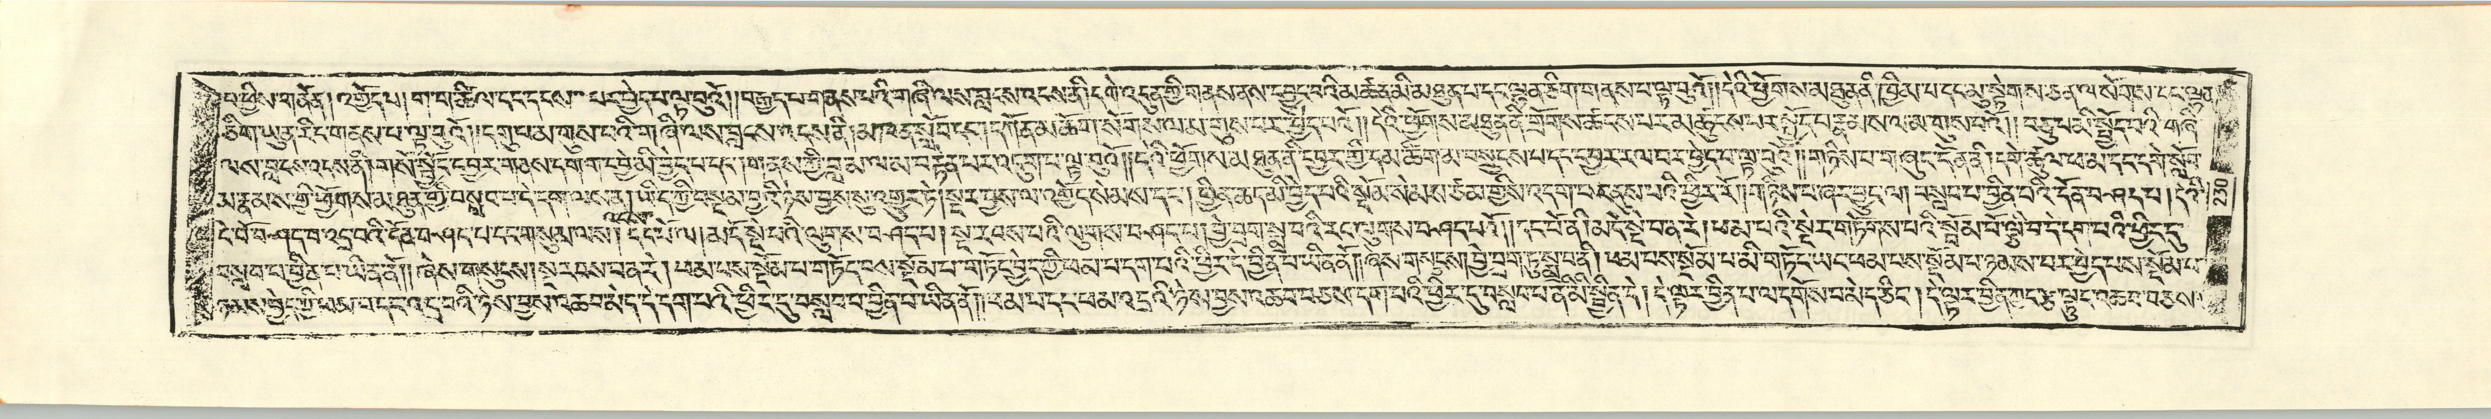པ་ཕྱིས་གནོན། འགྱོད་པ། ག་ག་ཚིལ་དང་དངས་པར་བྱེད་པ་ལྟ་བུའོ། །བརྒྱད་པ་གནས་པའི་གཞི་ལས་བླངས་འདས་ནི། དགེ་འདུན་གྱི་གནས་ནས་དབྱང་བའི་མཚན་མི་མཐུན་པ་དང་ལྷན་ཅིག་གནས་པ་ལྟ་བུའོ། །དེའི་ཕྱོགས་མཐུན་ནི་ཁྱིམ་པ་དང་མུ་སྟེགས་ཅན་ལ་སོགས་དང་ལྷན་
ཅིག་ཡུན་རིང་གནས་པ་ལྟ་བུའོ། །དགུ་པ་མ་གུས་པའི་གཞི་ལས་བླངས་འདས་ནི། མཁན་སློབ་དང་། དཀོན་མཆོག་སོགས་ལ་མ་གུས་པར་བྱེད་པའོ། །དེའི་ཕྱོགས་མཐུན་ནི་གྲོགས་ཚངས་པར་མཚུངས་པར་སྤྱོད་པ་རྣམས་ལ་མ་གུས་པའོ། །བཅུ་པ་མི་སྤྱོད་པའི་གཞི་
ལས་བླངས་འདས་ནི། གསོ་སྤྱོད་དབྱར་གནས་དགག་དབྱེ་མི་བྱེད་པ་དང་། གནས་ཀྱི་བླ་མ་ལ་མ་བརྟེན་པར་འདུག་པ་ལྟ་བུའོ། །དེའི་ཕྱོགས་མཐུན་ནི་དབྱར་གྱི་དམ་ཚིག་མ་བསྲུངས་པ་དང་དབྱར་རལ་བར་བྱེད་པ་ལྟ་བུའོ། །གཉིས་པ་གཞུང་དོན་ནི། དགེ་ཚུལ་ཕ་མ་དང་དགེ་སློང་
མ་རྣམས་གྱི་ཕྱོགས་མཐུན་གྱི་བསླབ་པ་དེ་དག་ལས་ན། ཡིད་ཀྱི་བསྔམ་བྱའི་ཉེས་བྱས་སུ་འགྱུར་ཏེ། སྔར་བྱས་ལ་འགྱོད་སེམས་དང་། ཕྱིན་ཆད་མི་བྱེད་པའི་སྡོམ་སེམས་ཙམ་གྱིས་འདག་པར་ནུས་པའི་ཕྱིར་རོ། །གཉིས་པ་ཞར་བྱུང་ལ། བསླབ་པ་བྱིན་པའི་དོན་བཤད་པ། དེའི་
ངོ་བོ་བཤད་པ་འདྲ་བའི་དོན་བཤད་པ་དང་གསུམ་ལས། དང་པོ་ལ། མདོ་སྡེའི་པའི་ལུགས་བཤད་པ། སྔ་རབས་པའི་ལུགས་བཤད་པ། བྱེ་བྲག་སྨྲ་བའི་རང་ལུགས་བཤད་པའི། །དང་པོ་ནི། མདེ་སྡེ་བ་ན་རེ། ཕམ་པའི་སྡེར་གཏོགས་པའིས་བོམ་པོ་ལྕི་བ་དེ་དག་པའི་ཕྱིར་དུ་
བསླབ་པ་བྱིན་པ་ཡིན་ནོ། །ཞེས་གསུངས། སྔ་རབས་པ་ན་རེ། ཕམ་པས་སྡོམ་པ་གཏོད་བས་སྡོམ་པ་གཏོང་བྱེད་གྱི་ཕམ་པ་དག་པའི་ཕྱིར་དེ་བྱིན་པ་ཡིན་ནོ། །ཞེས་གསུངས། བྱེ་བྲག་ཏུ་སྨྲ་བ་ནི། ཕམ་པས་སྡོམ་པ་མི་གཏོང་ཡང་ཕམ་པས་སྡོམ་པ་ཉམས་པར་བྱེད་པས་སྡོམ་པ་
ཉམས་བྱེད་ཀྱི་ཕམ་པ་དང་འདྲ་བའི་ཉེས་བྱས་འཆབ་མེད་དེ་དག་པའི་ཕྱིར་དུ་བསླབ་པ་བྱིན་པ་ཡིན་ནོ། །ཕམ་པ་དང་ཕམ་འདྲའི་ཉེས་བྱས་འཆབ་བཅས་དག་པའི་ཕྱིར་དུ་བསླབ་པ་ནི་མི་སྦྱིན་དེ། དེ་ལྟར་བྱིན་པ་ལ་དགོས་པ་མེད་ཅིང་། དེ་ལྟར་བྱིན་ཀྱང་རྩ་ལྟུང་འཆབ་བཅས་